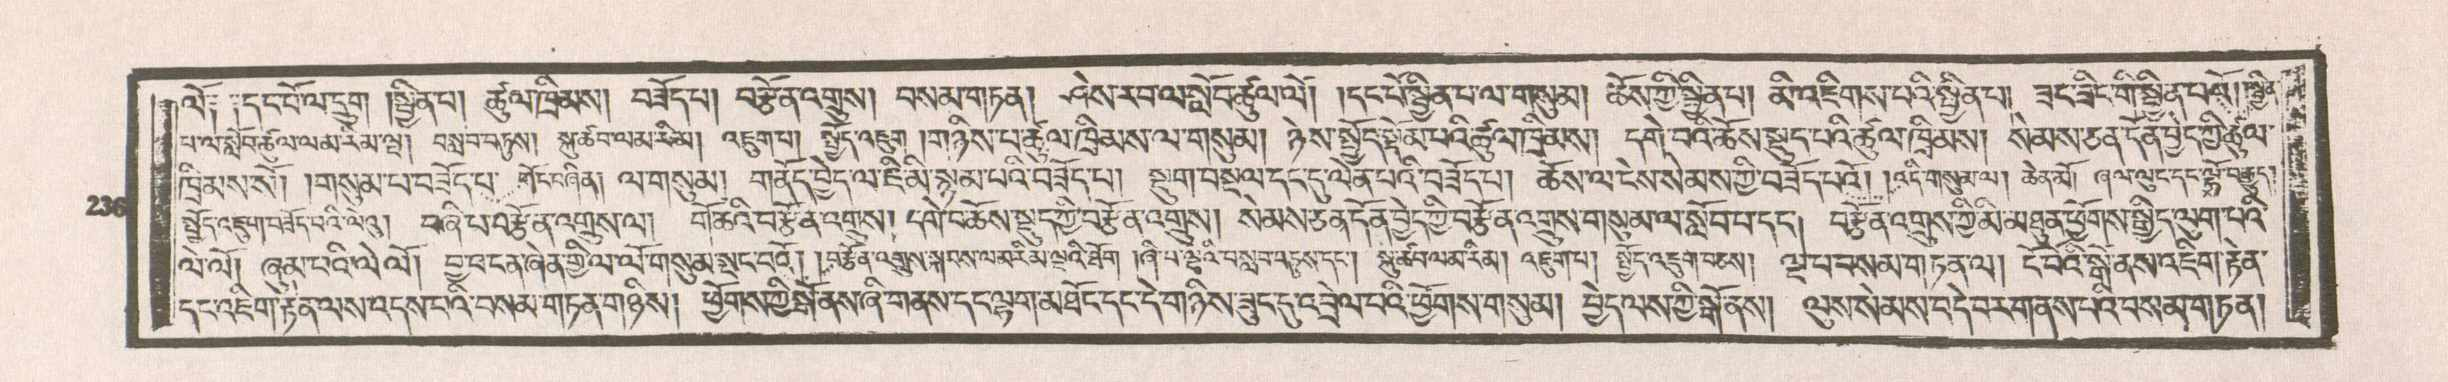ལོ༑ ༑དང་པོ་ལ་དྲུག །སྦྱིན་པ། ཚུལ་ཁྲིམས། བཟོད་པ། བརྩོན་འགྲུས། བསམ་གཏན། ཤེས་རབ་ལ་སློབ་ཚུལ་ལོ། །དང་པོ་སྦྱིན་པ་ལ་གསུམ། ཆོས་ཀྱི་སྦྱིན་པ། མི་འཇིགས་པའི་སྦྱིན་པ། ཟང་ཟིང་གི་སྦྱིན་པའོ། ། སྦྱིན
པ་ལ་སློབ་ཚུལ་ལམ་རིམ་ལྔ། བསླབ་བཏུས། སྐུ་ཚབ་ལམ་རིམ། འཇུག་པ། སྤྱོད་འཇུག་་།གཉིས་པ་ཚུལ་ཁྲིམས་ལ་གསུམ། ཉེས་སྤྱོད་སྡོམ་པའི་ཚུལ་ཁྲིམས། དགེ་བའི་ཆོས་སྡུད་པའི་ཚུལ་ཁྲིམས། སེམས་ཅན་དོན་བྱེད་ཀྱི་ཚུལ་
ཁྲིམས་སོ། །གསུམ་པ་བཟོད་པ་གོང་བཞིན།  ལ་གསུམ། གནོད་བྱེད་ལ་ཇི་མི་སྙམ་པའི་བཟོད་པ། སྡུག་བསྔལ་དང་དུ་ལེན་པའི་བཟོད་པ། ཆོས་ལ་ངེས་སེམས་ཀྱི་བཟོད་པའོ། ། འདི་སུམ་ལ། ཆེན་མོ། ཞལ་ལུང་དང་ལྷོ་རྒྱུད།
སྤྱོད་འཇུག་བཟོད་པའི་ལེའུ།  བཞི་པ་བརྩོན་འགྲུས་ལ། གོ་ཆའི་བརྩོན་འགྲུས། དགེ་བ་ཆོས་སྡུད་ཀྱི་བརྩོན་འགྲུས། སེམས་ཅན་དོན་བྱེད་ཀྱི་བརྩོན་འགྲུས་གསུམ་ལ་སློབ་པ་དང་། བརྩོན་འགྲུས་ཀྱི་མི་མཐུན་ཕྱོགས་སྒྱིད་ལུག་པའི་
ལེ་ལོ། ཞུམ་པའི་ལེ་ལོ། བྱ་བ་ངན་ཞེན་གྱི་ལེ་ལོ་གསུམ་སྤང་བའོ། ། བརྩོན་འགྲུས་སྐབས་ལམ་རིམ་ལྔའི་ཐོག །ཞི་བ་ལྷའི་བསླབ་བཏུས་དང་། སྐུ་ཚབ་ལམ་རིམ། འཇུག་པ། སྤྱོད་འཇུག་བཅས།  ལྔ་པ་བསམ་གཏན་ལ། ངོ་བོའི་སྒོ་ནས་འཇིག་རྟེན་
དང་འཇིག་རྟེན་ལས་འདས་པའི་བསམ་གཏན་གཉིས། ཕྱོགས་ཀྱི་སྒོ་ནས་ཞི་གནས་དང་ལྷག་མཐོང་དང་དེ་གཉིས་ཟུང་དུ་འབྲེལ་བའི་ཕྱོགས་གསུམ། བྱེད་ལས་ཀྱི་སྒོ་ནས། ལུས་སེམས་བདེ་བར་གནས་པའི་བསམ་གཏན།